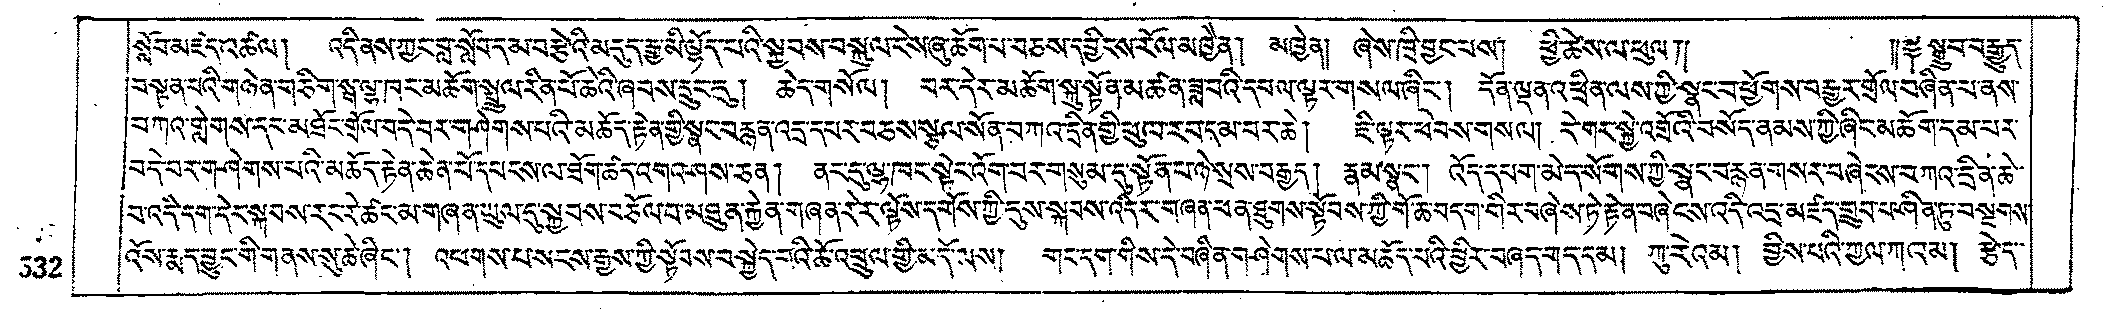སློབ་མཛད་འཚལ། འདི་ནས་ཀྱང་བླ་སློབ་དམ་བརྩེའི་མདུད་རྒྱ་མི་ལྷོད་པའི་སྐྱབས་བསྐུལ་ངེས་ཞུ་ཆོག་པ་བཅས་དབྱིངས་རོལ་མཁྱཻན། མཁྱེན། ཞེས་ཁྲི་བྱང་པས། ཕྱི་ཚེས་ལ་ཕུལ།། །། འ་སྒྲུབ་བརྒྱུད་
བསྟན་པའི་གཉེན་གཅིག་སྒ་ལྷ་ཁང་མཆོག་སྤྲུལ་རིན་པོ་ཆེའི་ཞབས་དྲུང་དུ། ཆེད་གསོལ། བར་དེར་མཆོག་སྐུ་སྟོན་མཚན་ཟླ་བའི་དཔལ་ལྟར་གསལ་ཞིང་། དོན་ལྡན་འཕྲིན་ལས་ཀྱི་སྣང་བ་ཕྱོགས་བརྒྱར་གྲོལ་བཞིན་པ་ནས་
བཀའ་གླེགས་དང་མཐོང་གྲོལ་བདེ་བར་གཤེགས་པའི་མཆོད་རྟེན་གྱི་སྣང་བརྙན་འདྲ་དཔར་བཅས་སྩལ་སོན་བཀའ་དྲིན་གྱི་ཕུལ་རབ་དམ་པར་ཆེ། ཇི་ལྟར་ཕེབས་གསལ། དེ་གར་སྐྱེ་འགྲོའི་བསོད་ནམས་ཀྱི་ཞིང་མཆོག་དམ་པར་
བདེ་བར་གཤེགས་པའི་མཆོད་རྟེན་ཆེན་པོ་དབངས་ལ་ཐོག་ཚད་འགའ་ཤས་ཅན། ནང་དུ་ལྷ་ཁང་སྟེང་འོག་བར་གསུམ་དུ་སྟོན་པ་ཉེ་སྲས་བརྒྱད། རྣམ་སྣང་། འོད་དཔག་མེད་སོགས་ཀྱི་སྣང་བརྙན་གསར་བཞེངས་བཀའ་དྲིན་ཆེ་་་
བ་འདི་དག་དེང་སྐབས་རང་རེ་ཚང་མ་གཞན་ཡུལ་དུ་སྐྱབས་བཅོལ་བ་མཐུན་རྐྱེན་གཞན་རེར་ལྟོས་དགོས་ཀྱི་དུས་སྐབས་འདིར་གཞན་ཕན་ཐུགས་སྟོབས་ཀྱི་གོ་ཆ་བདག་གིར་བཞེས་ཏེ་རྟེན་བཞེངས་འདི་འདྲ་མཛད་གྲུབ་པ་ཤིན་ཏུ་བསྔགས་
འོས་རྨད་བྱུང་གི་གནས་སུ་ཆེ་ཞིང་། འཕགས་པ་སངས་རྒྱས་ཀྱི་སྟོབས་བསྐྱེད་པའི་ཆོ་འཕྲུལ་གྱི་མདོ་ལས། གང་དག་གིས་དེ་བཞིན་གཤེགས་པ་ལ་མཆོད་པའི་ཕྱིར་བཞད་གད་དམ། ཀུ་རེའམ། བྱིས་པའི་ཀྱལ་ཀའམ། རྩེད་་་